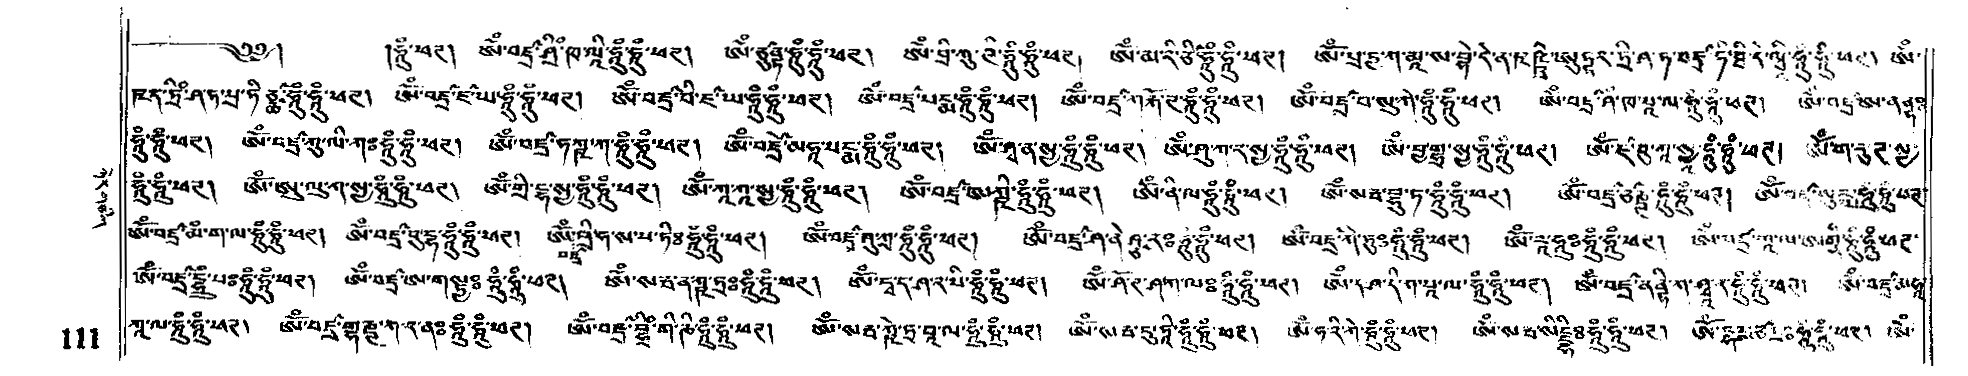༄༅། །ཧཱུཾ་ཕཊ། ཨོཾ་བཛྲ་ཤྲིཾ་ཁ་ལཱི་ཧཱུཾ་ཧཱུཾ་ཕཊ། ཨོཾ་ཙུནྟ་ཧཱུཾ་ཧཱུཾ་ཕཊ། ཨོཾ་བྲི་ཀུ་ཊི་ཧཱུཾ་ཧཱུཾ་ཕཊ། ཨོཾ་མ་རི་ཙི་ཧཱུཾ་ཧཱུཾ་ཕཊ། ཨོཾ་པྲ་ཏྱ་ཀ་མཱ་ས་བྷེ་དེ་ན་ཥཥཊཿཨི་ཨུཏྟར་ཏྲི་ཤ་ཏ་བཛྲ་ཏི་ཐི་དེ་ཝཱི་ཧཱུཾ་ཧཱུཾ་ཕཊ། ཨོཾ་
ཥད་ཏྲིཾ་ཤ་ཏ་པྲ་ཏིཙྪ་ཧཱུཾ་ཧཱུཾ་ཕཊ། ཨོཾ་བཛྲ་ཛ་ཡ་ཧཱུཾ་ཧཱུཾ་ཕཊ། ཨོཾ་བཛྲ་བི་ཛ་ཡ་ཧཱུཾ་ཧཱུཾ་ཕཊ། ཨོཾ་བཛྲ་པདམ་ཧཱུཾ་ཧཱུཾ་ཕཊ། ཨོཾ་བཛྲ་ཀརྐོ་ཊ་ཧཱུཾ་ཧཱུཾ་ཕཊ། ཨོཾ་བཛྲ་བ་སུ་ཀེ་ཧཱུཾ་ཧཱུཾ་ཕཊ། ཨོཾ་བཛྲ་ཤིཾ་ཁ་པཱ་ལ་ཧཱུཾ་ཧཱུཾ་ཕཊ། ཨོཾ་བཛྲ་ཨ་ནནྟཿ
ཧཱུཾ་ཧཱུཾ་ཕཊ། ཨོཾ་བཛྲ་ཀུ་ལི་ཀཿ ཧཱུཾ་ཧཱུཾ་ཕཊ། ཨོཾ་བཛྲ་ཏཀྵ་ཀ་ཧཱུཾ་ཧཱུཾ་ཕཊ། ཨོཾ་བཛྲ་མཧཱ་པདམ་ཧཱུཾ་ཧཱུཾ་ཕཊ། ཨོཾ་ཤྭ་ན་སྱ་ཧཱུཾ་ཧཱུཾ་ཕཊ། ཨོཾ་ཤུ་ཀ་ར་སྱ་ཧཱུཾ་ཧཱུཾ་ཕཊ། ཨོཾ་བྱ་གྷྲ་སྱ་ཧཱུཾ་ཧཱུཾ་ཕཊ། ཨོཾ་ཛ་བུ་ཀཱ་སྱཱ་ཧཱུཾ་ཧཱུཾ་ཕཊ། ཨོཾ་ག་རུ་ཌ་སྱ་
ཧཱུཾ་ཧཱུཾ་ཕཊ། ཨོཾ་ཨུ་ལུ་ཀ་སྱ་ཧཱུཾ་ཧཱུཾ་ཕཊ། ཨོཾ་གྲི་དྷ་སྱ་ཧཱུཾ་ཧཱུཾ་ཕཊ། ཨོཾ་ཀཱ་ཀཱ་སྱ་ཧཱུཾ་ཧཱུཾ་ཕཊ། ཨོཾ་བཛྲ་ཨཀྵི་ཧཱུཾ་ཧཱུཾ་ཕཊ། ཨོཾ་ནི་ལ་ཧཱུཾ་ཧཱུཾ་ཕཊ། ཨོཾ་སརྦ་བྷུ་ཏ་ཧཱུཾ་ཧཱུཾ་ཕཊ། ཨོཾ་བཛྲ་ཙཎྚ་ཧཱུཾ་ཧཱུཾ་ཕཊ། ཨོཾ་བཛྲ་སུརྱ་ཧཱུཾ་ཧཱུཾ་ཕཊ་
ཨོཾ་བཛྲ་མཾ་ག་ལ་ཧཱུཾ་ཧཱུཾ་ཕཊ། ཨོཾ་བཛྲ་བུདྷ་ཧཱུཾ་ཧཱུཾ་ཕཊ། ཨོཾ་བཛྲ་བྲི་ཧ་ས་པ་ཏིཿ ཧཱུཾ་ཧཱུཾ་ཕཊ། ཨོཾ་བཛྲ་ཤུ་ཀྲ་ཧཱུཾ་ཧཱུཾ་ཕཊ། ཨོཾ་བཛྲ་ཤ་ནེ་ཤྩ་རཿ ཧཱུཾ་ཧཱུཾ་ཕཊ། ཨོཾ་བཛྲ་ཀེ་ཏུཿ ཧཱུཾ་ཧཱུཾ་ཕཊ། ཨོཾ་རཱ་ཧཱུཿ ཧཱུཾ་ཧཱུཾ་ཕཊ། ཨོཾ་བཛྲ་ཀཱ་ལ་ཨགནི་ཧཱུཾ་ཧཱུཾ་ཕཊ།
ཨོཾ་བཛྲ་དྷྲུཾ་པཿ ཧཱུཾ་ཧཱུཾ་ཕཊ། ཨོཾ་བཛྲ་ཨ་གསྟྱཿ ཧཱུཾ་ཧཱུཾ་ཕཊ། ཨོཾ་སརྦ་ནཀྵ་ཏྲཿ ཧཱུཾ་ཧཱུཾ་ཕཊ། ཨོཾ་དྭ་ད་ཤ་ར་པི་ཧཱུཾ་ཧཱུཾ་ཕཊ། ཨོཾ་ཤོ་ཊ་ཤ་ཀ་ལཿ ཧཱུཾ་ཧཱུཾ་ཕཊ། ཨོཾ་ད་ཤ་དི་ཀ་པཱ་ལ་ཧཱུཾ་ཧཱུཾ་ཕཊ། ཨོཾ་བཛྲ་ནནྟི་ཀ་ཤྭཱ་ར་ཧཱུཾ་ཧཱུཾ་ཕཊ། ཨོཾ་བཛྲ་མཧཱ་
ཀཱ་ལ་ཧཱུཾ་ཧཱུཾ་ཕཊ། ཨོཾ་བཛྲ་གྷཎྚ་ཀ་ར་ནཿ ཧཱུཾ་ཧཱུཾ་ཕཊ། ཨོཾ་བཛྲ་བྷྲིཾ་གི་ཎི་ཧཱུཾ་ཧཱུཾ་ཕཊ། ཨོཾ་སརྦ་ཀྵེ་ཏྲ་བཱ་ལ་ཧཱུཾ་ཧཱུཾ་ཕཊ། ཨོཾ་སརྦ་དུ་ཏཱི་ཧཱུཾ་ཧཱུཾ་ཕཊ། ཨོཾ་ཧ་རི་ཀེ་ཧཱུཾ་ཧཱུཾ་ཕཊ། ཨོཾ་སརྦ་སིདྡྷིཿ ཧཱུཾ་ཧཱུཾ་ཕཊ། ཨོཾ་དྷརྨ་ཙཀྲཿ ཧཱུཾ་ཧཱུཾ་ཕཊ། ཨོཾ་